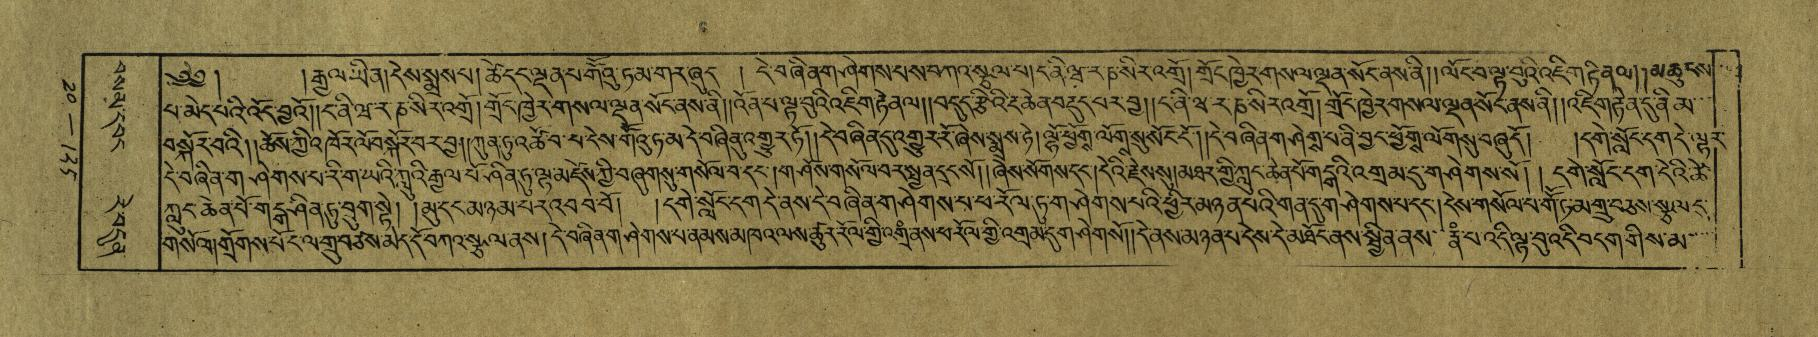༄༅། །རྒྱལ་ཡིན། དེས་སྨྲས་པ། ཚེ་དང་ལྡན་པ་གཽའུ་ཏ་མ་གར་ཞུད། དེ་བཞིན་གཤེགས་པས་བཀའ་སྩལ་པ། ད་ནི་ཝ་ར་ཎ་སིར་འགྲོ། གྲོང་ཁྱེར་གསལ་ལྡན་སོང་ནས་ནི། །ལོང་བ་ལྟ་བུའི་འཇིག་རྟེན་ལ། །མཚུངས་
པ་མེད་པའི་འོང་བྱའོ། །ང་ནི་ཝ་ར་ཎ་སིར་འགྲོ། གྲོང་ཁྱེར་གསལ་ལྡན་སོང་ནས་ནི། །འོན་པ་ལྟ་བུའི་འཇིག་རྟེན་ལ། །བདུད་རྩིའི་རྔ་ཆེན་བརྡུད་པར་བྱ། །ང་ནི་ཝ་ར་ཎ་སིར་འགྲོ། གྲོང་ཁྱེར་གསལ་ལྡན་སོང་ནས་ནི། །འཇིག་རྟེན་དུ་ནི་མ་
བསྐོར་བའི། །ཆོས་ཀྱི་འཁོར་ལོ་བསྐོར་བར་བྱ། །ཀུན་ཏུ་འཚོ་བ་པ་དེས་གཽའུ་ཏ་མ་དེ་བཞིནུ་འགྱུར་ཏོ། །དེ་བཞིན་དུ་འགྱུར་རོ་ཞེས་སྨྲས་ཏེ། ལྷོ་ཕྱོགས་ལོགས་སུ་སོང་ངོ། །དེ་བཞིན་གཤེགས་པ་ནི་བྱང་ཕྱོགས་ལོགསུ་བཞུདོ། །དགེ་སློང་དག་དེ་ལྟར་
དེ་བཞིན་གཤེགས་པ་རི་ག་ཡའི་ཀླུའི་རྒྱལ་པོ་ཤིན་ཏུ་ལྟ་མཛེས་ཀྱི་བཞུགསུ་གསོལ་བ་དང་། གཤོས་གསོལ་བར་སྤྱན་དྲང་སོ། །ཞེས་སོགས་དང་དེའི་རྗེས་སུ། མཐར་གྱི་ཀླུང་ཆེན་པོ་གངྒའི་འགྲམ་དུ་གཤེགས་སོ། །དགེ་སློང་དག་དེའི་ཚེ་
ཀླུང་ཆེན་པོ་གངྒ་ཤིན་ཏུ་བྲུག་སྟེ། །མུ་དང་མཉམ་པར་འབབ་བོ། །དགེ་སློང་དག་དེ་ནས་དེ་བཞིན་གཤེགས་པ་ཕ་རོལ་ཏུ་གཤེགས་པའི་ཕྱིར་མཉན་པའི་གན་དུ་གཤེགས་པ་དང་། དེས་གསོལ་པ་གཽ་ཏ་མ་གྲུ་བཅས་སྩལ་དུ་
གསོལ། གྲོགས་པོ་ང་ལ་གྲུ་བཙས་མེད་དོ་བཀའ་སྩལ་ནས། དེ་བཞིན་གཤེགས་པ་ནམས་མཐའ་ལས་ཚུར་རོལ་གྱི་འགྲཾ་ནས་ཕ་རོལ་གྱི་འགྲམ་དུ་གཤེགསོ། །དེ་ནས་མཉན་པ་དེས་དེ་མཐོང་ནས་སྦྱིན་ནས་རྣཾ་པ་འདི་ལྟ་བུ་འདི་བདག་གིས་མ་